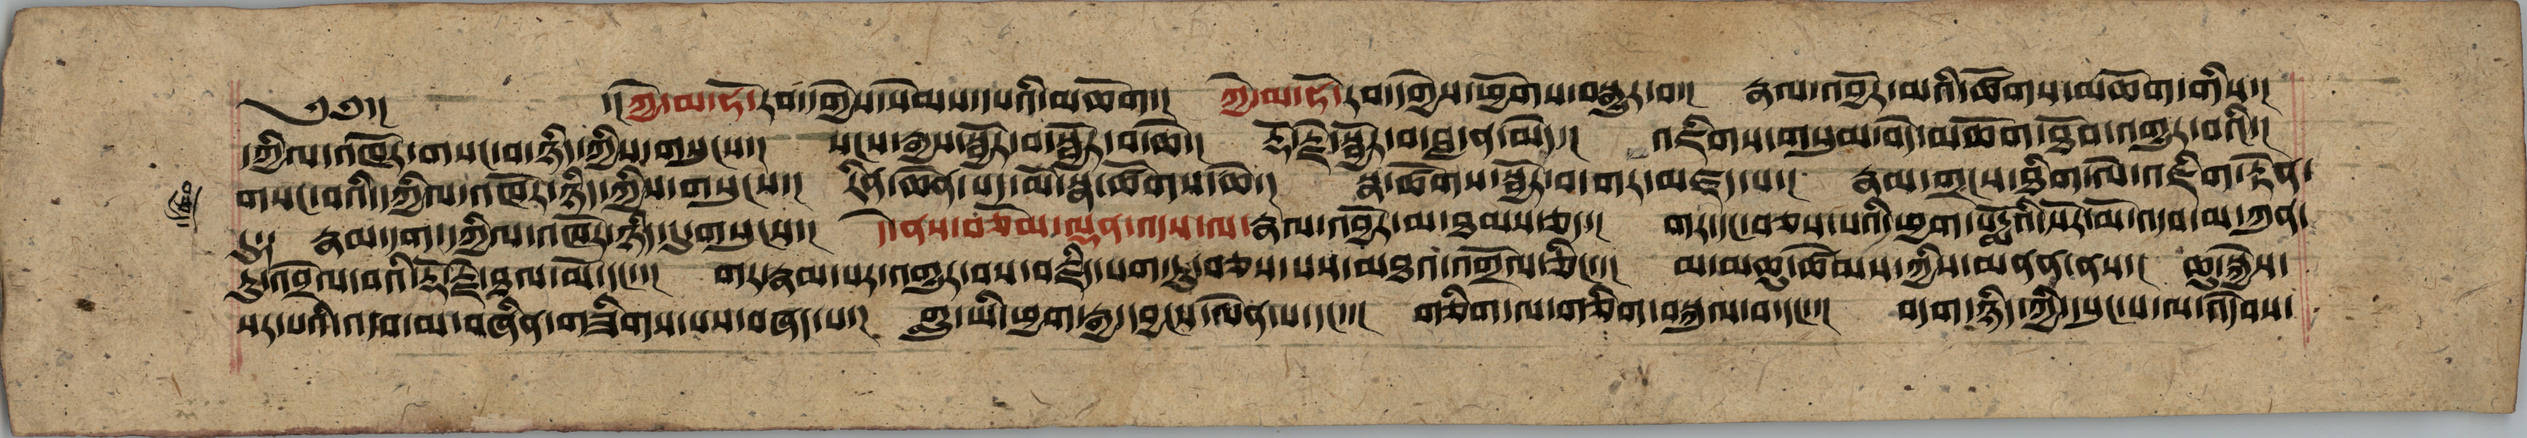༄༅་། ་།ཀྱེ་མ་ཧོ་རབ་དགྱེས་སེམས་དཔའི་མཆོག་། ཀྱེ་མ་ཧོ་རབ་དགྱེས་ཕྱོགས་བསྒྱུར་བ་། རྣལ་འབྱོར་མའི་ཚོགས་མཆོག་གིས་།
དཀྱིལ་འཁོར་གསང་བ་ཉིད་ཀྱིས་གསུངས་། སངས་རྒྱས་སྦྱོར་བ་སྦྱོར་བ་ཆེ་། རྡོ་རྗེ་སྦྱོར་བ་བླ་ན་མེད་། འཇིགས་གསུམ་བདེ་མཆོག་ཐོབ་འགྱུར་བའི་།
གསང་བའི་དཀྱིལ་འཁོར་ཉིད་ཀྱིས་གསུངས་། རིན་ཆེན་པད་མོ་སྣ་ཚོགས་ཆེ་། སྣ་ཚོགས་སྦྱོར་བ་གར་མཛད་པ་། རྣམ་གྲངས་ཐིག་ལེ་འཇིག་རྟེན་
དུ༑ རྣམ་དག་དཀྱིལ་འཁོར་ཉིད་དུ་གསུངས་། དེ་ནས་བཅོམ་ལྡན་འདས་ལ་རྣལ་འབྱོར་མ་ཐམས་ཅད་། གར་དང་བཅས་པའི་ཕྱག་པདྨོའི་སོར་མོ་འདབ་མ་ཀུན་
ཏུ་འབྲེལ་བའི་རྡོ་རྗེ་ཐལ་མོ་དང་་། གར་རྣམ་པར་འགྱུར་བས་བརྗིད་དཔག་ཏུ་བཅས་པས་མཐའ་འགྲོལ་ཅིང་་། མ་མཆུ་ཚེམས་ཀྱིས་མནན་ནས་། ཆུ་སྐྱེས་
སར་པའི་འདབ་མ་བཞིན་གཟིགས་པས་བཞད་པ་། གླུ་ཡི་ཕྱག་རྒྱ་དབྱངས་ལེན་པ་དང་་། གཅིག་ལ་གཅིག་བསྐུལ་བ་དང་་། བདག་ཉིད་ཀྱི་དཔུང་པ་ལ་འདེབས་